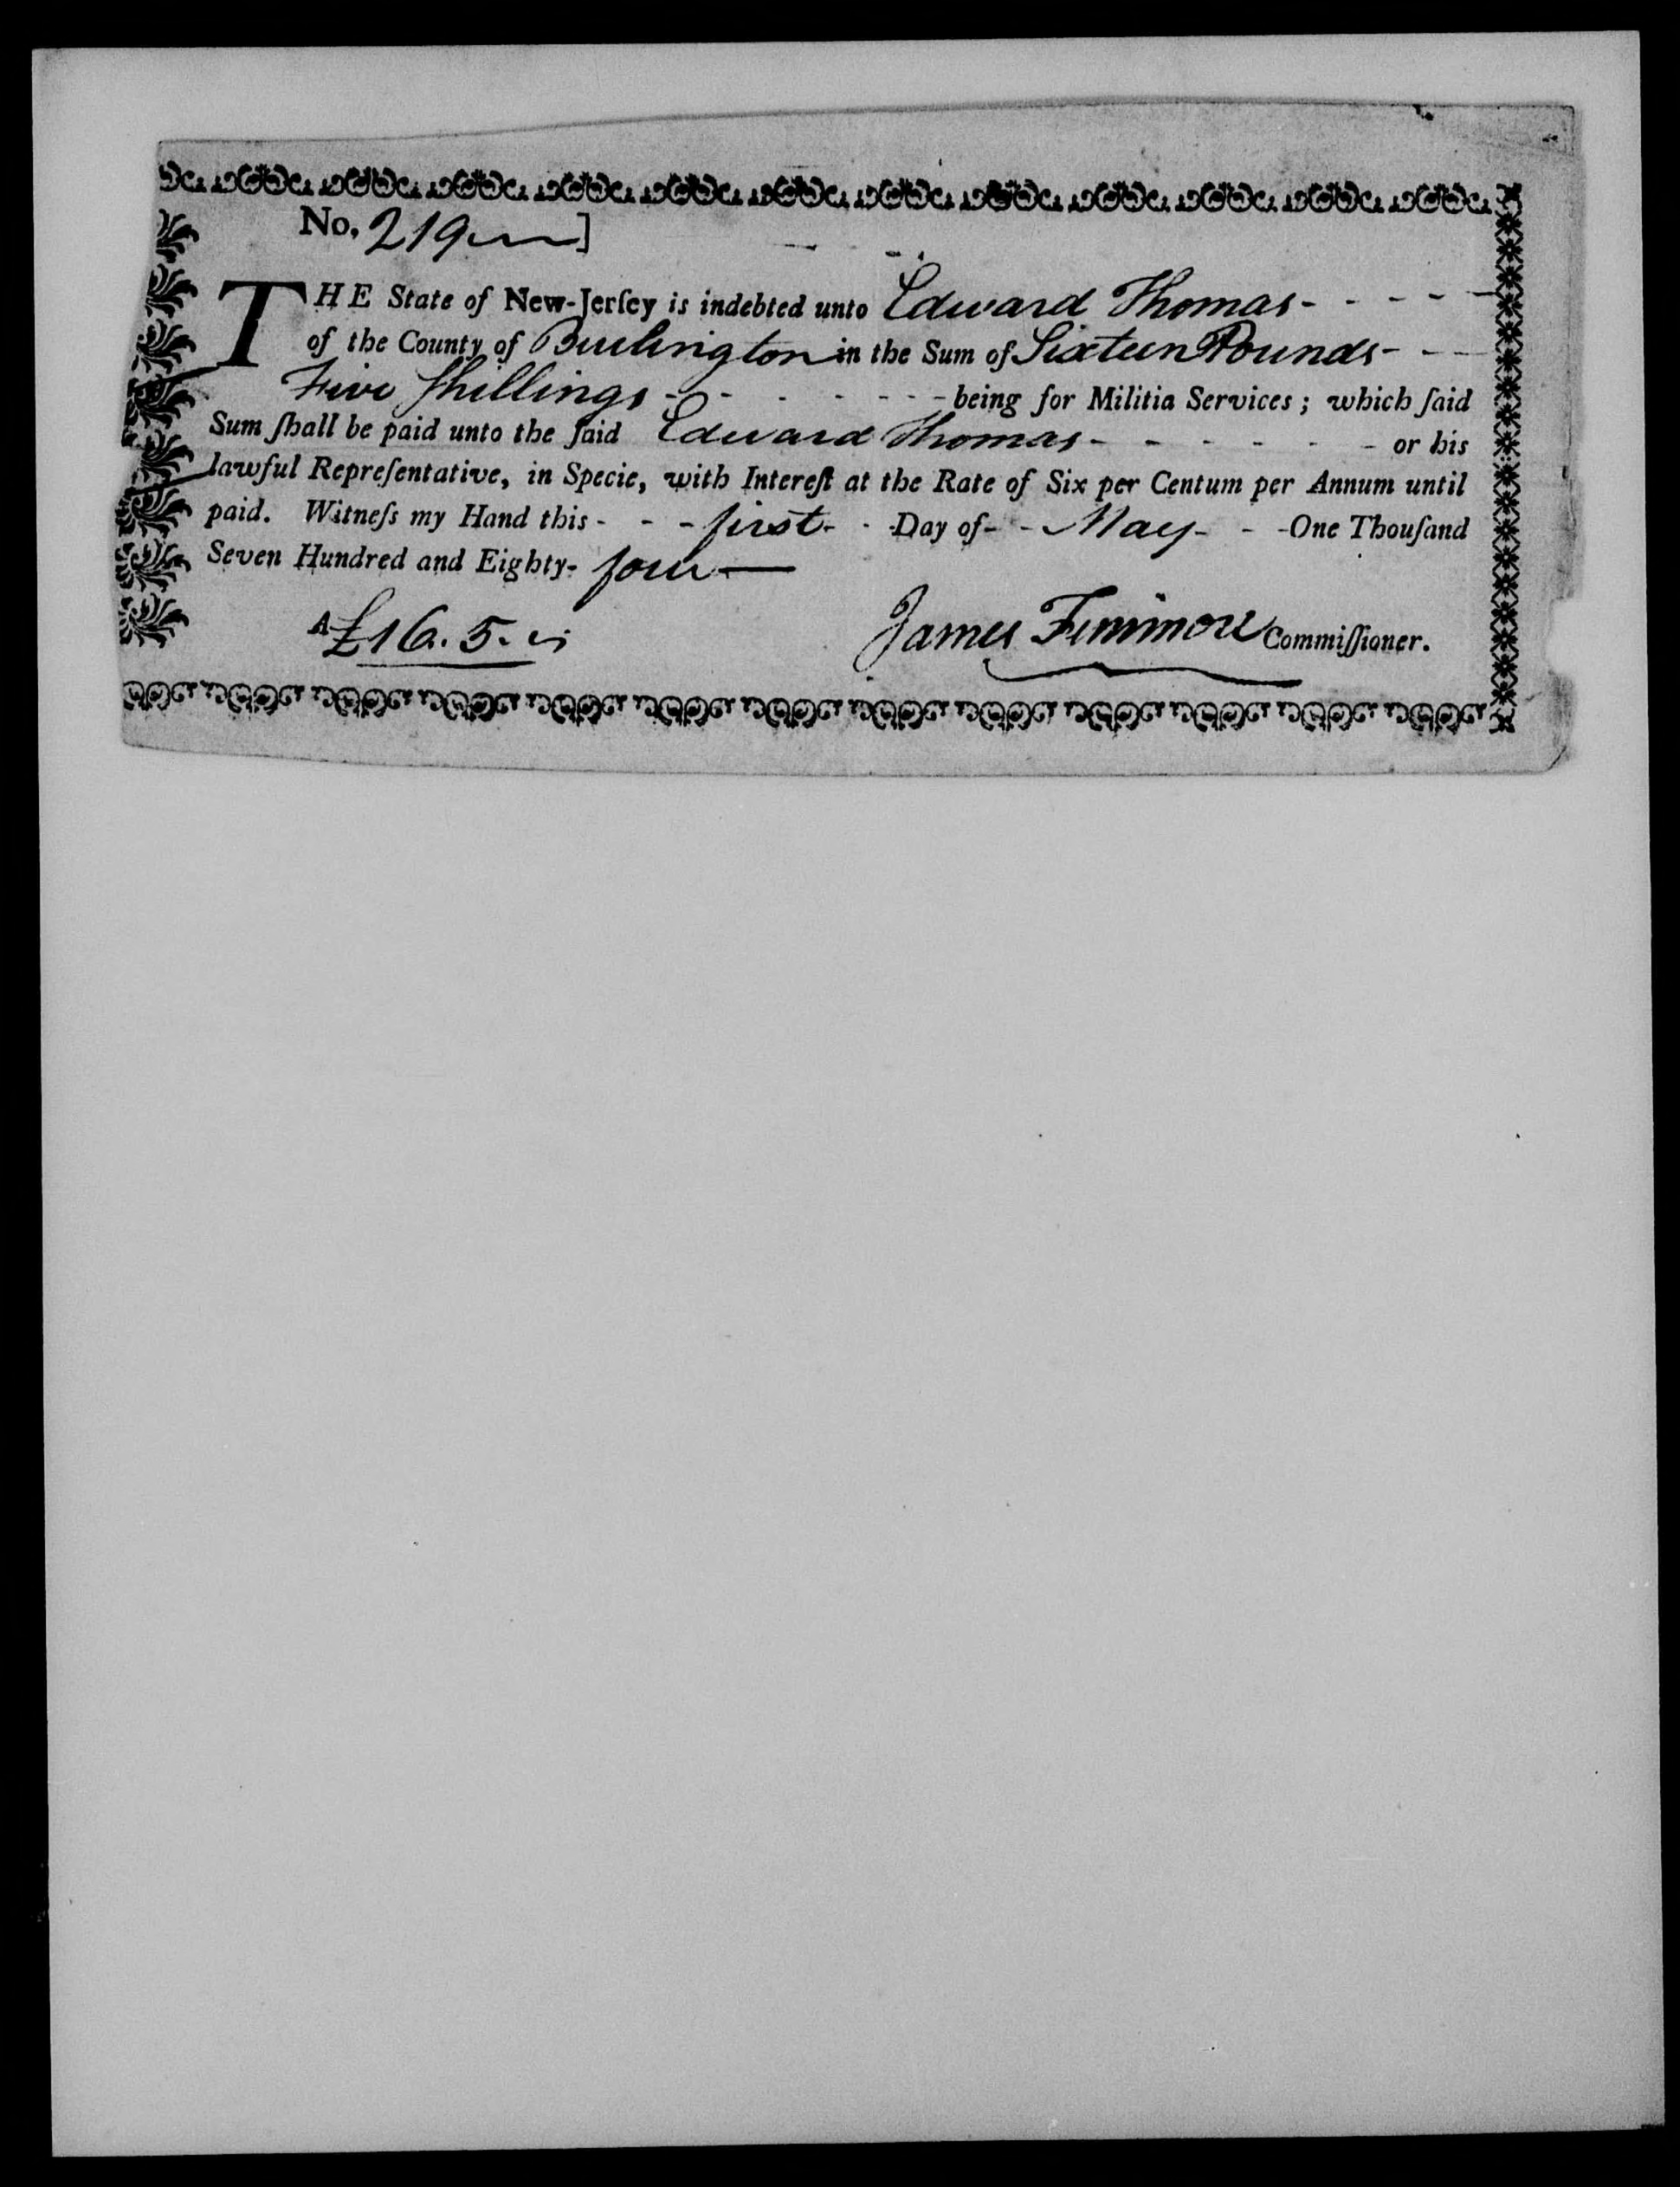No 219
The State of New Jersey is indebted unto Edward Thomas of the County of Burlington in the Sum of Sixteen Pounds Five Shillings being for Militia Services; which said sum shall be paid unto the said Edward Thomas or his lawful Representative in Specie, with Interest at the Rate of Six per Centum per Annum until paid. Witness my Hand this first Day of May One Thousand Seven Hundred and Eighty-four.
AZ 16.5
James Fenimore 
Commissioner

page: 13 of 25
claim: rejected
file: R. 10513, for Edward Thomas, New Jersey